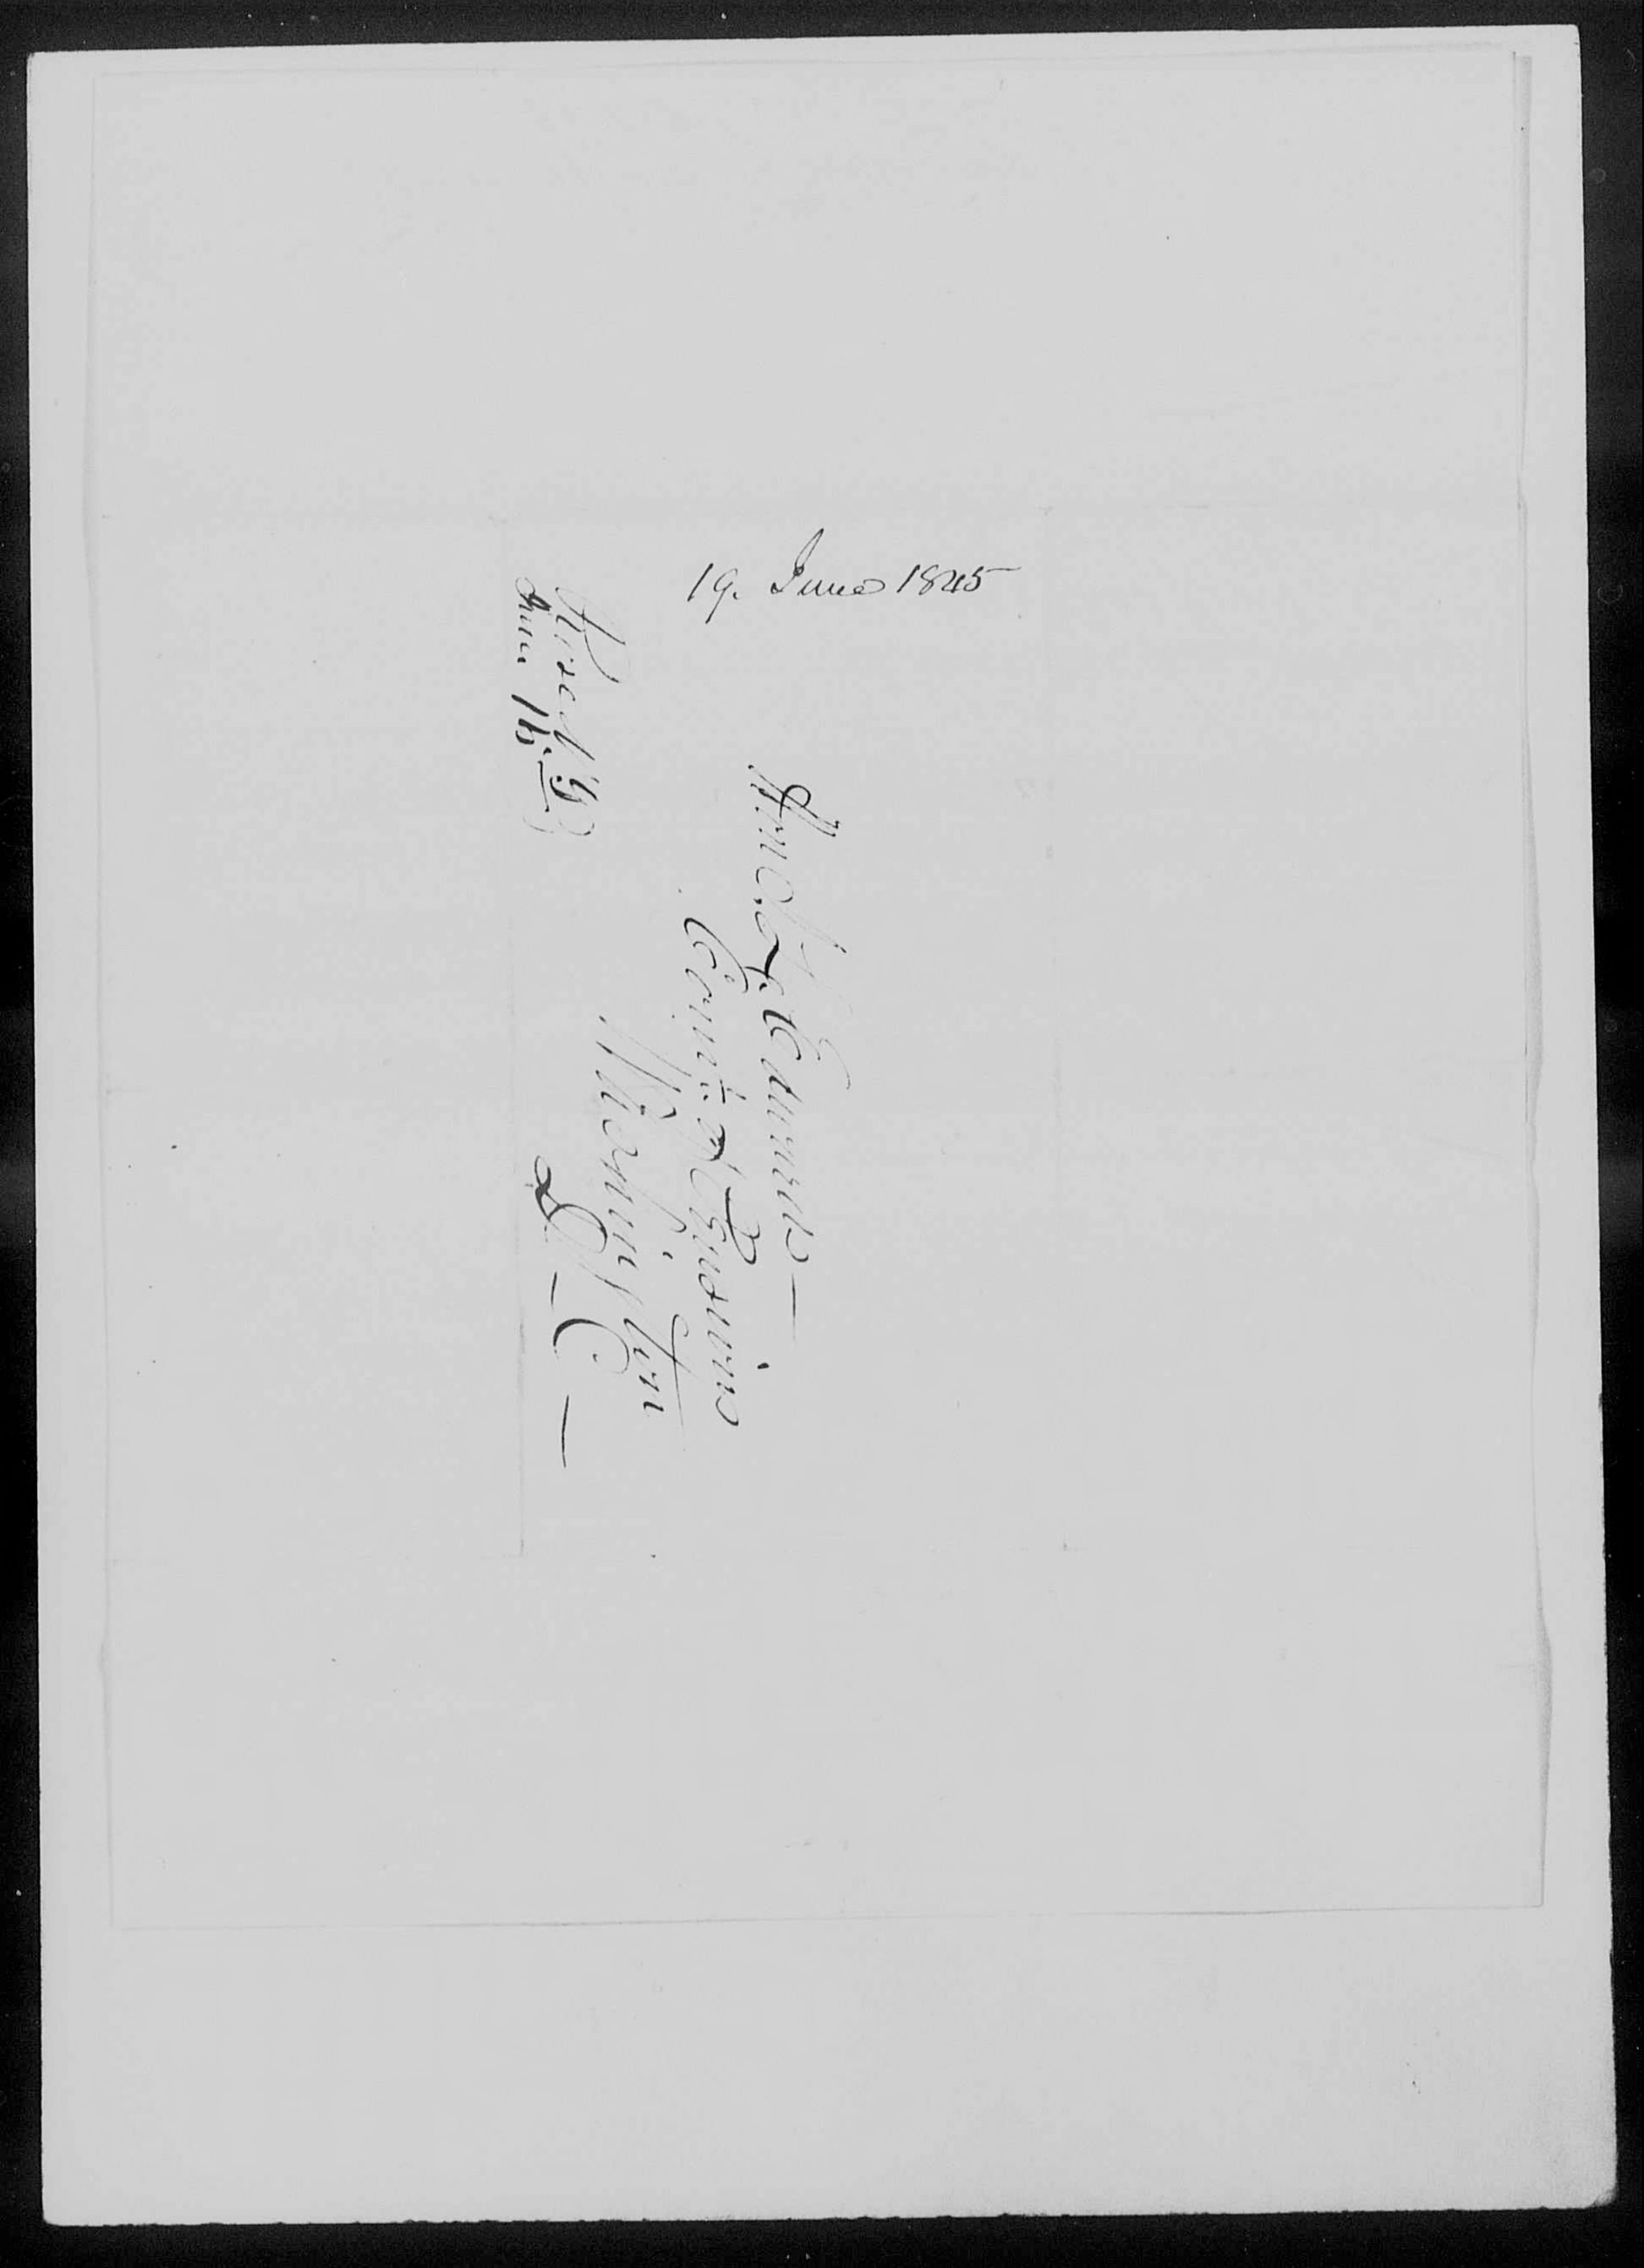19 June 1845

Hon. J.L. Edwards
Court of Pension
Washington D.C.

Rose N.Y

June 16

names: J L Edwards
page: 11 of 18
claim: rejected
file: R. 844, Joseph Birchard, Conn.